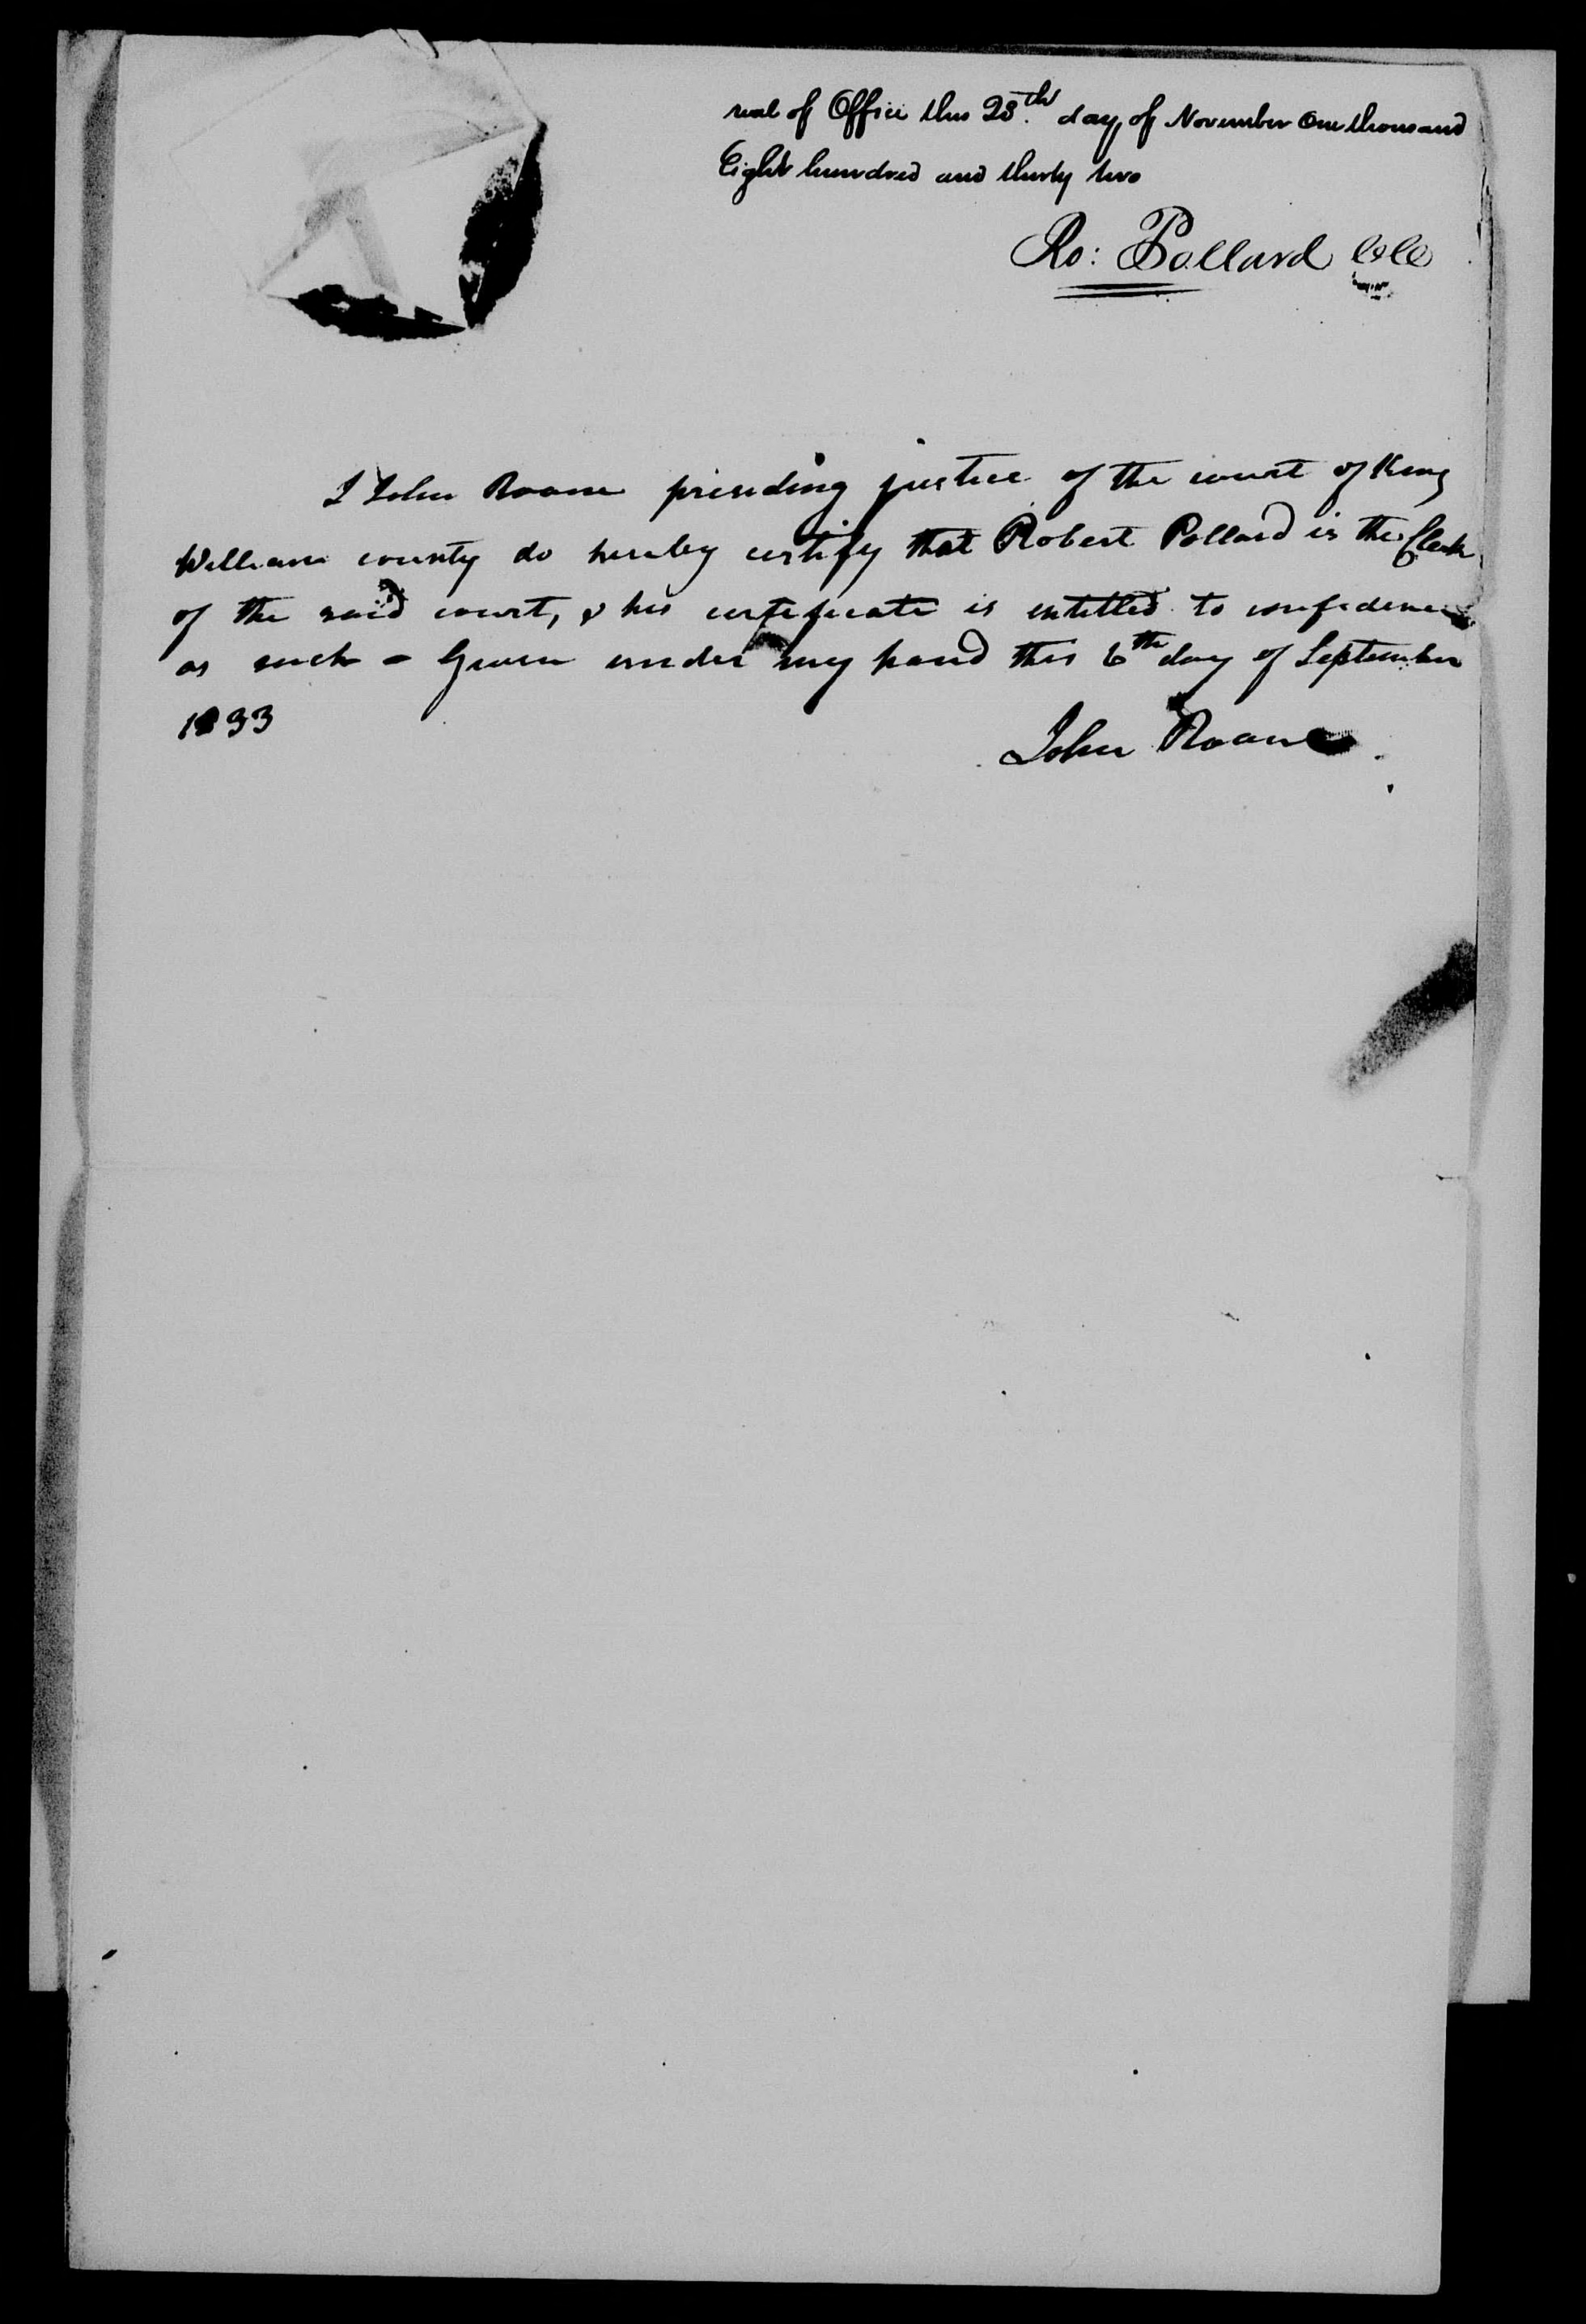seal of Office this 28th day of November one thousand eight hundred and thirty two. 
Ro. Pollard CC

I John Roane presiding justice of the court of King William county do hereby certify that Robert Pollard is the Clerk of the said court, & his certificate is entitled to confidence as such. Given under my hand this 6th day of September 1833. 
John Roane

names: Ro Pollard; John Roane; John Roane; Robert Pollard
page: 11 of 34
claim: survivor's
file: S. 19483, for John Taliaferro, Virginia